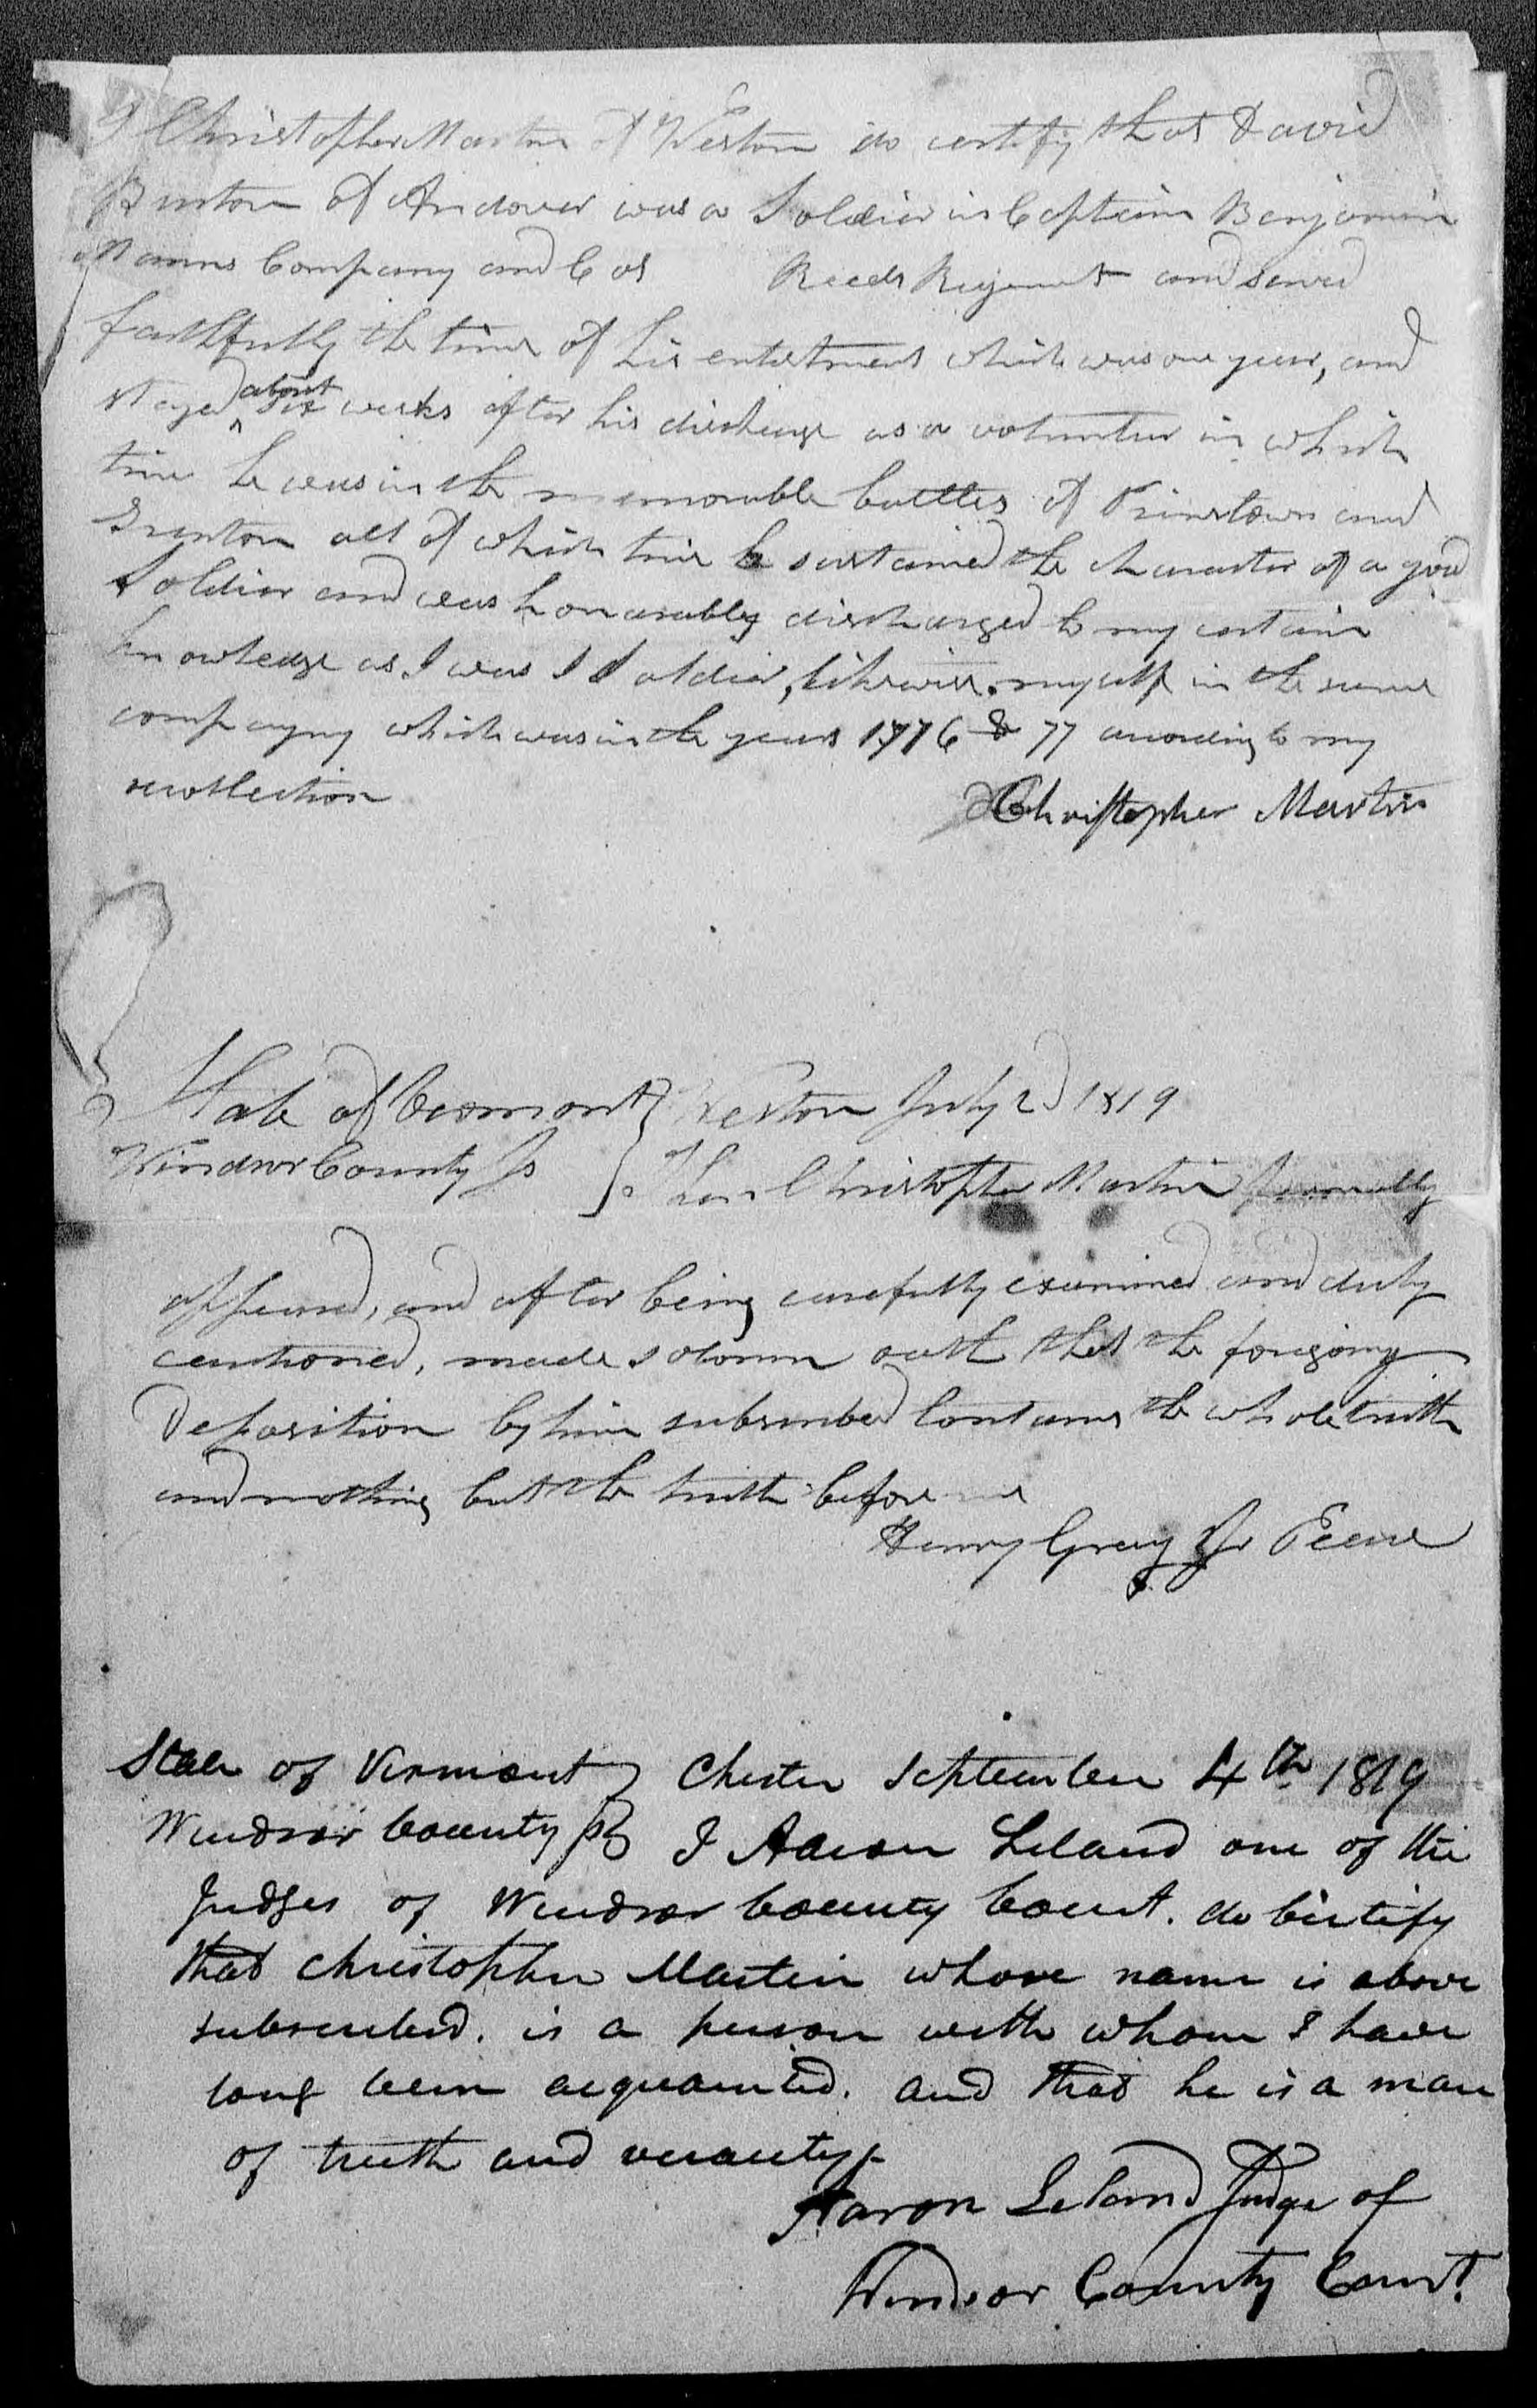I Christopher Martin of Weston do certify that David Burton of Andover was a Soldier in Captain Benjamin Manns Company and Col Reeds Regiment and served faithfully the time of his enlistment which was one year, and stayed about six  weeks after his discharge as a volunteer in which time he was in the memorable battles of Prinstown [Princeton] and Trenton all of which time he sustained the character of a good Soldier and was honorably discharged to my certain knowledge as I was a soldier, likewise myself in the same company which was in the years 1776 & 77 according to my recollection
[signed] Christopher Martin

State of Vermont 
Windsor County ss   Weston July 2d 1819
Then Christoph Martin personally appeared, and after being carefully examined and duly cautioned, made solemn oath that the foregoing deposition by him subscribed contains the whole truth and nothing but the truth before me
[signed] Henry Gray Jus. Peace

State of Vermont 
Windsor County ss ⎬ Chester September 4th 1819
I Aaron Leland one of the Judges of Windsor County Court do certify that Christopher Martin whose name is above subscribed, is a person with whom I have long been acquainted, and that he is a man of truth and veracity.
[signed] Aaron Leland Judge of Windsor County Court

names: Christopher Martin, Christopher Martin, Aaron Leland, Christopher Martin, Henry Gray, Aaron Leland, David Burton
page: 14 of 18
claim: survivor's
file: S. 40773, David Burton, N.H.